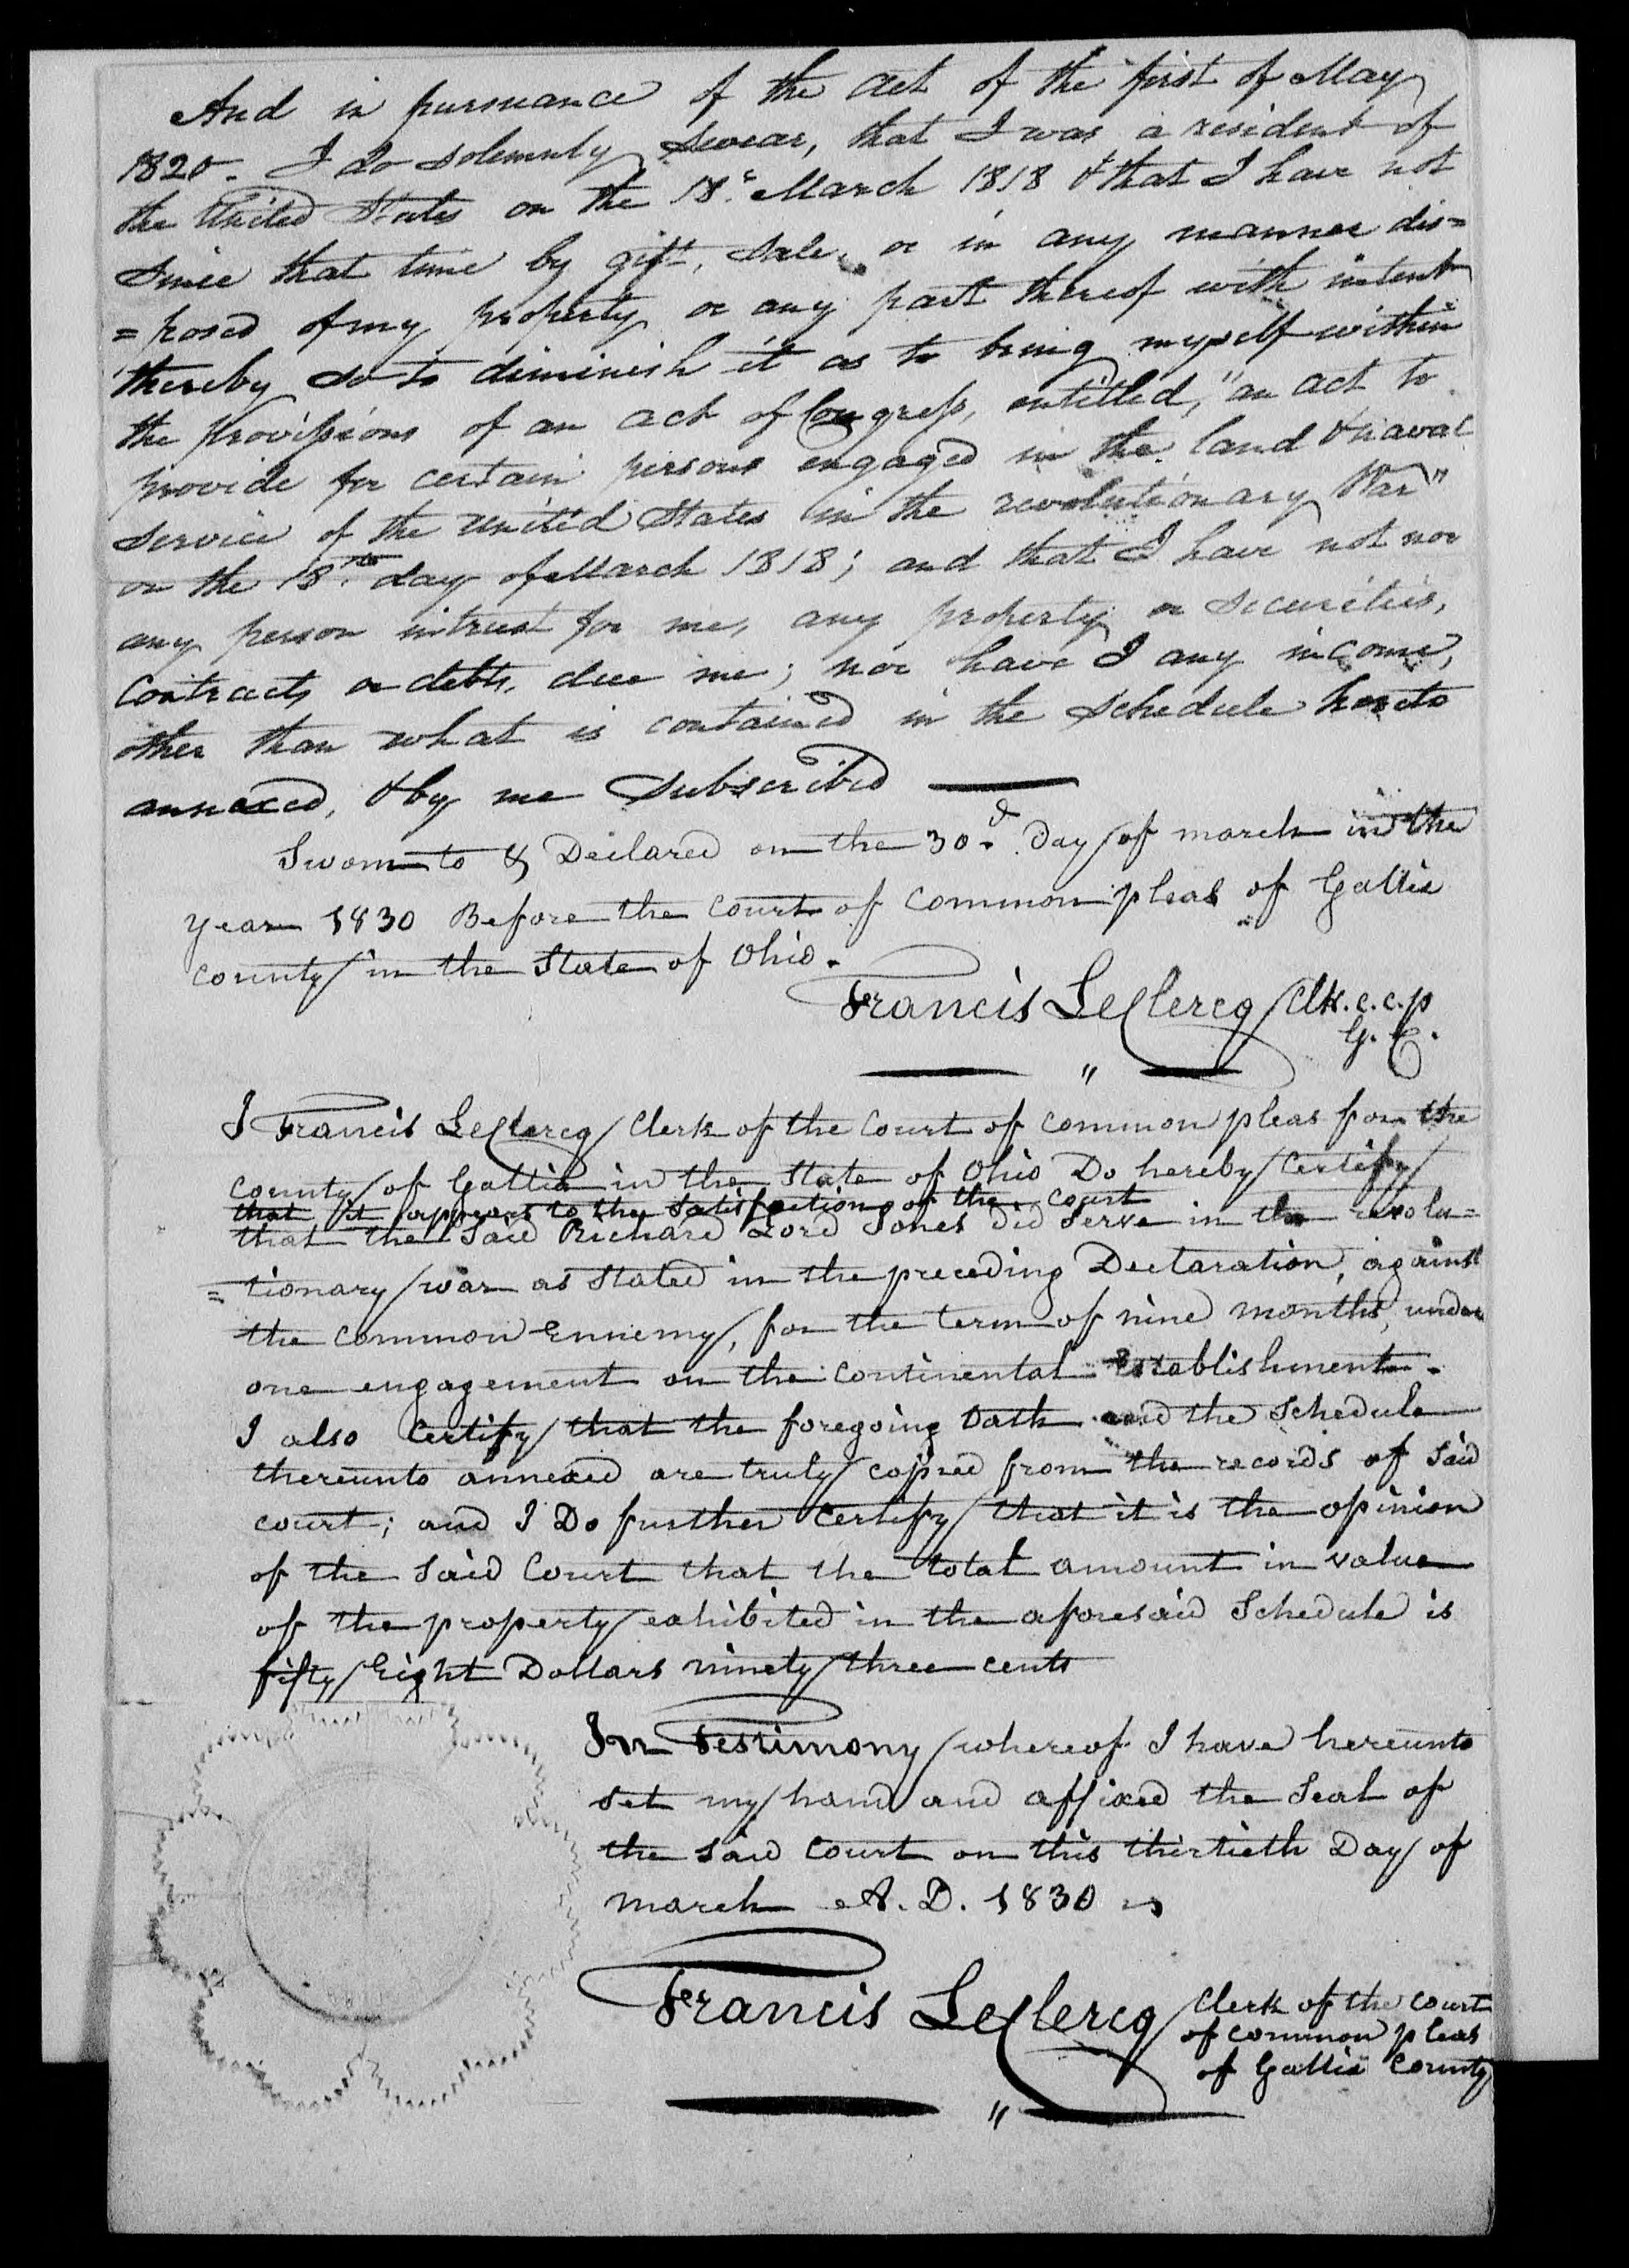And in pursuance of the act of the first of May
1820, I do solemnly swear, that I was a resident of the United States on the 18 March 1818 & that I have not me that time by gift, sale or in any manner disposed of my property or any part thereof with intent thereby so to diminish it as to bring myself within the provisions of an act of Congress, entitled, "an act to provide for certain persons engaged in the land & naval
service of the United States in the revolutionary War on the 18th day of March 1818; and that I have not now any person in trust for me, any property or securities,
contracts or debts due me; nor have I any income, other than what is contained in the schedule hereto annexed & by me subscribed-
Sworn to & declared on the 30 day of March in the year 1830 before the Court of Common pleas of Gallia County in the State of Ohio
Francis Leclereq Clk. c.c.p   y. c
to
Francis Leclereq Clerk of the Court of Common pleas for the County of Gallia in the State of Ohio do hereby certify that is supports to the satisfaction of the court that the said Richard Lord Jones did serve in the revolutionary war as stated in the preceding declaration, against
the common enemy, for the term of nine months, under one engagement on the continental Establishment I also certify that the foregoing oath and the schedule thereunto annexed are truly copied from the records of said court; and I do further certify that it is the opinion of the said Court that the total amount in value of the property exhibited in the aforesaid Schedule is fifty Eight Dollars ninety three cents
In Testimony whereof I have hereunto
set my hand and affixed the Seal of
the said Court on this thirtieth day of
March A.D. 1830
Francis Leclereq Clerk of the Court of Common Pleas of Gallia County
[Illegible paper seal attached]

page: 14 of 62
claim: widow's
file: W. 765, for Richard L Jones, Connecticut